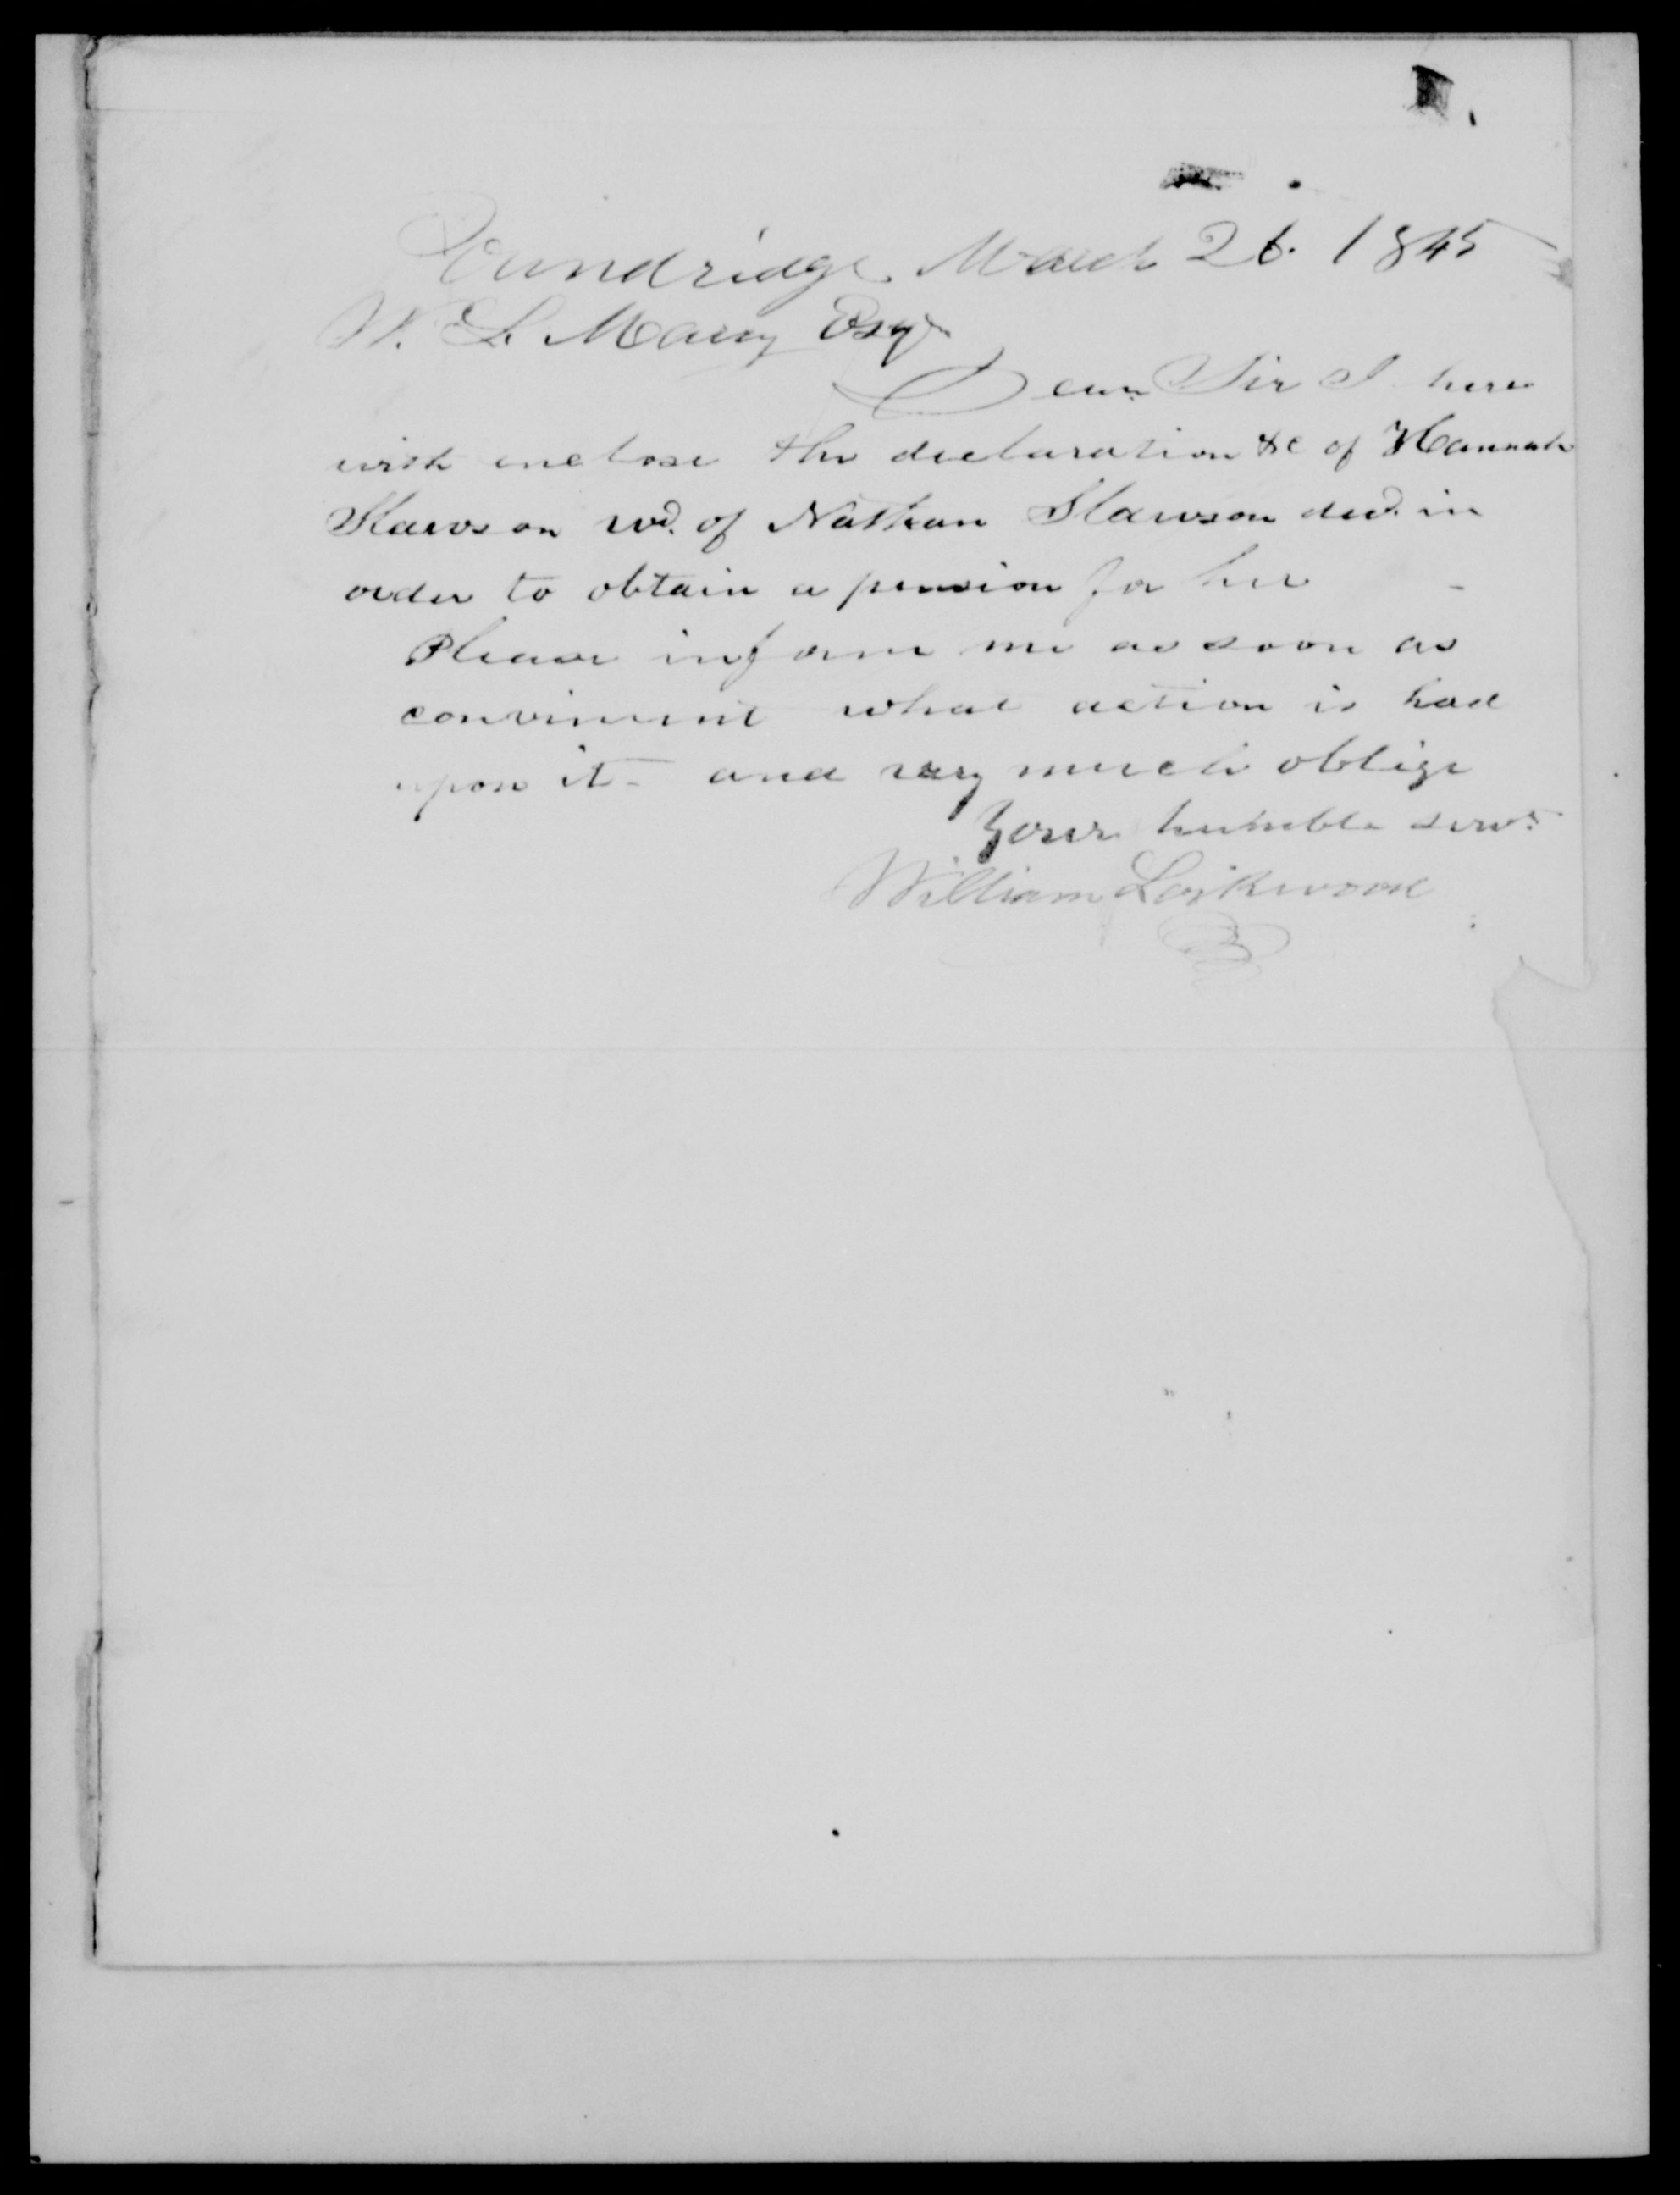Poundridge March 26. 1845 
W. L. Marcy Esq 
Sir 
I here enclose the declaration &c of Hannah Slawson W. of Nathan Slawson dec’d in order to obtain a pension for her.  
Please inform me as soon as convenient what action is had upon it-- and say much oblige 
Your humble servt 
William Lockwood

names: Hannah Slason; W L Marcy; William Lockwood; Nathan Slawson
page: 75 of 87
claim: widow's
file: W. 22,226, for Nathan Slawson, Connecticut